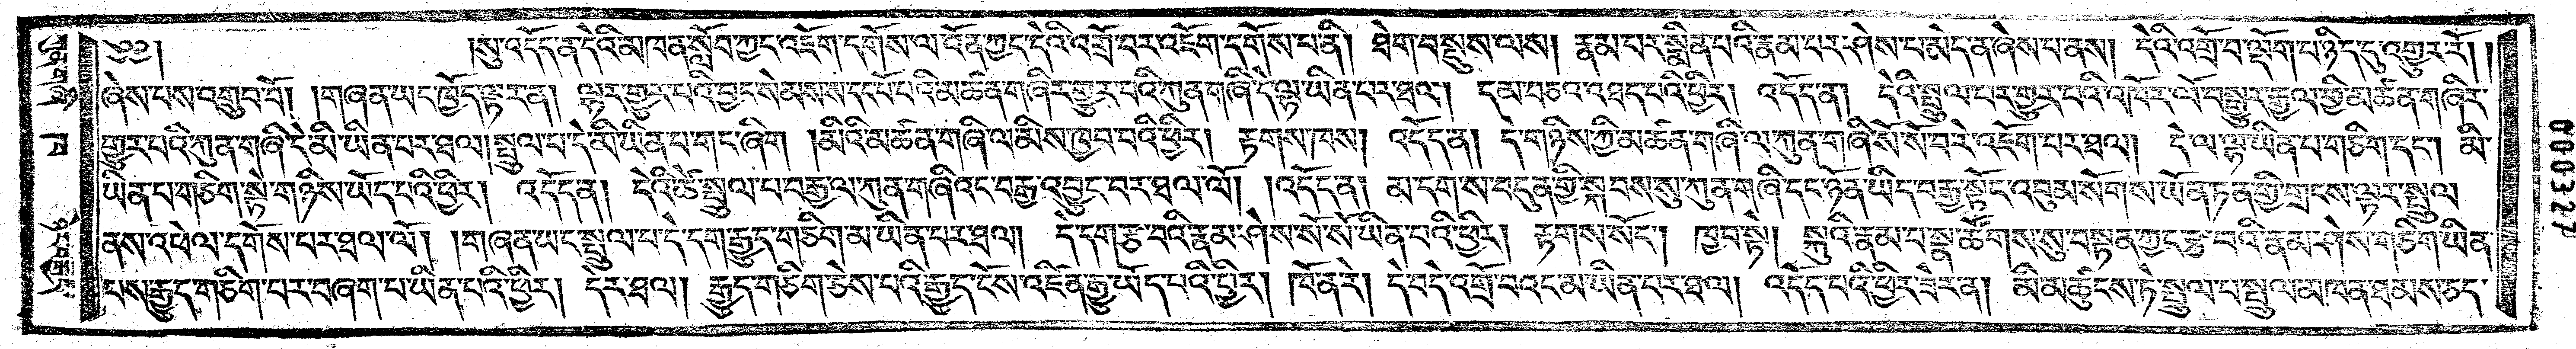༄༅། །སུ་འདོད་ན་དེའི་མཁན་སློབ་ཀྱང་འཇོག་དགོས་ལ་འོན་ཀྱང་དེའི་འགྲོ་བར་འཇོག་དགོས་པ་ནི། ཐེག་བསྡུས་ལས། རྣམ་པར་སྨིན་པའི་རྣམ་པར་ཤེས་པ་མེད་ན་ཞེས་པ་ནས། དེའི་འགྲོ་བ་ལྡོག་པ་ཉིད་དུ་འགྱུར་རོ། །
ཞེས་པས་འགྲུབ་བོ། །གཞན་ཡང་ཁྱོད་ལྟར་ན། ལྷར་གྱུར་པའི་བྱང་སེམས་དང་པོ་པའི་མཚན་གཞིར་གྱུར་པའི་ཀུན་གཞི་དེ་ལྷ་ཡིན་པར་ཐལ། དམ་བཅའ་འཐད་པའི་ཕྱིར། འདོད་ན། དེའི་སྤྲུལ་པར་གྱུར་པའི་འཁོར་ལོ་བསྒྱུར་རྒྱལ་གྱི་མཚན་གཞིར་
གྱུར་བའི་ཀུན་གཞི་དེ་མི་ཡིན་པར་ཐལ། སྤྲུལ་པ་དེ་མི་ཡིན་པ་གང་ཞིག །མིའི་མཚན་གཞི་ལ་མིས་ཁྱབ་པའི་ཕྱིར། རྟགས་ཁས། འདོད་ན། དེ་གཉིས་ཀྱི་མཚན་གཞི་ལ་ཀུན་གཞི་སོ་སོ་བ་རེ་འཇོག་པར་ཐལ། དེ་ལ་ལྷ་ཡིན་པ་གཅིག་དང་། དེ་
ཡིན་པ་གཅིག་སྟེ་གཉིས་ཡོད་པའི་ཕྱིར། འདོད་ན། དེའི་ཚེ་སྤྲུལ་པ་བརྒྱ་ལ་ཀུན་གཞིའང་བརྒྱ་འབྱུང་བར་ཐལ་ལོ། །འདོད་ན། མ་དག་ས་བདུན་གྱི་སྐབས་སུ་ཀུན་གཞི་དང་ཉོན་ཡིད་བརྒྱ་སྟོང་འབུམ་སོགས་ཡོན་ཏན་གྱི་གྲངས་ལྟར་སྤྲུལ་
ནས་འཕེལ་དགོས་པར་ཐལ་ལོ། །གཞན་ཡང་སྤྲུལ་པ་དེ་དག་རྒྱུད་གཅིག་མ་ཡིན་པར་ཐལ། དེ་དག་རྩ་བའི་རྣམ་ཤེས་སོ་སོ་ཡིན་པའི་ཕྱིར། རྟགས་སོང་། ཁྱབ་སྟེ། སྐུའི་རྣམ་པ་སྣ་ཚོགས་སུ་བསྟན་ཀྱང་རྩ་བའི་རྣམ་ཤེས་གཅིག་ཡིན་
པས་རྒྱུད་གཅིག་བར་བཞག་པ་ཡིན་པའི་ཕྱིར། དེར་ཐལ། རྒྱུད་གཅིག་ཅེས་པའི་རྒྱུད་ངོས་འཛིན་རྒྱུ་ཡོད་པའི་ཕྱིར། ཁོ་ན་རེ། དེ་བདེ་འགྲོ་བའང་མ་ཡིན་པར་ཐལ། འདོད་པའི་ཕྱིར་ཟེར་ན། མི་མཚུངས་ཏེ་སྤྲུལ་པ་སྤྲུལ་མཁན་ཐམས་ཅད་